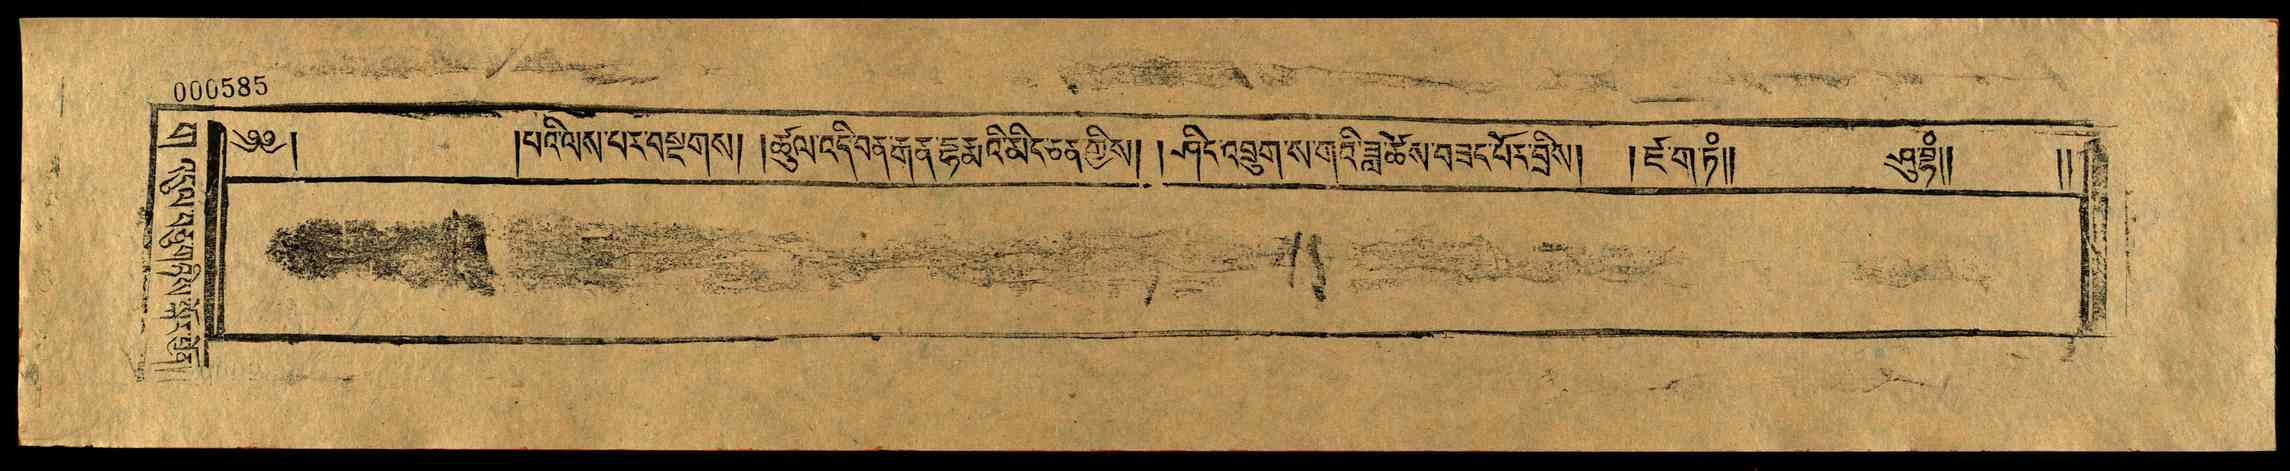༄༅། །པོའི་ལས་པར་བསྔགས། །ཚུལ་འདི་བན་རྒན་དྷརྨའི་མིང་ཅན་གྱིས། །ཤིང་འབྲུག་ས་གའི་ཟླ་ཚེས་བཟང་པོར་བྲིས། །ཛ་ག་ཏཾ།། ཤུ་བྷཾ།། །།